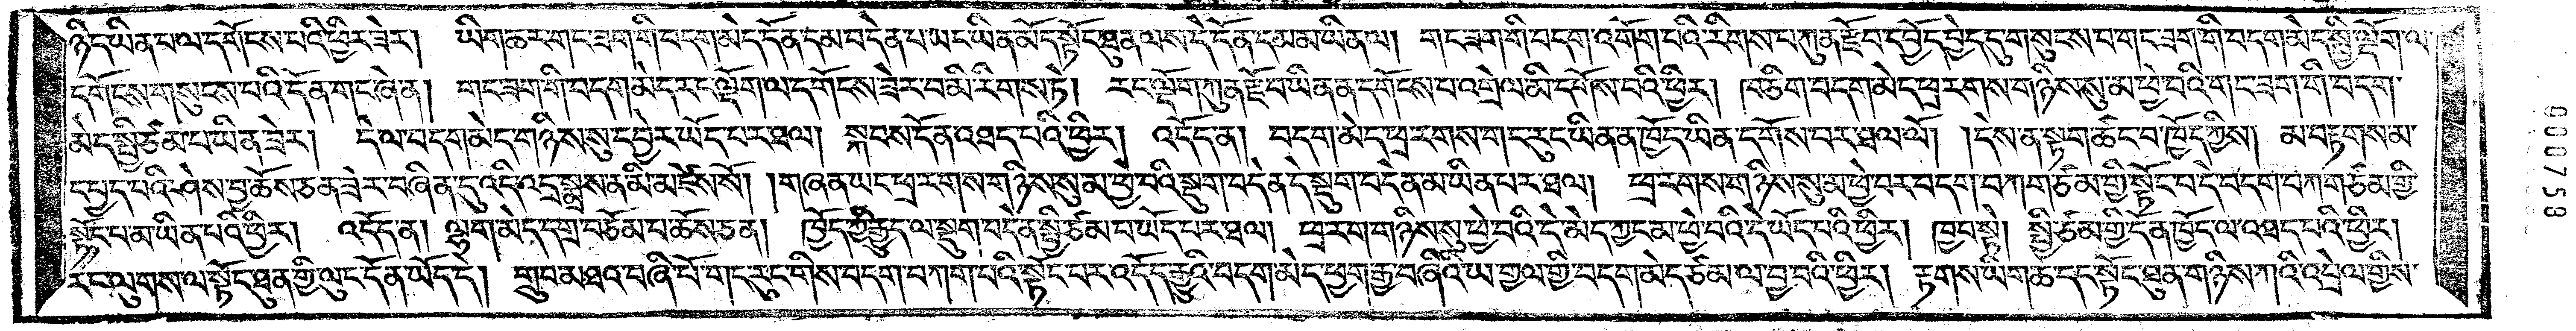ཉིད་ཡིན་པ་ལ་དགོངས་པའི་ཕྱིར་ཟེར། ཡིག་ཆར་གང་ཟག་གི་བདག་མེད་དོན་དམ་བདེན་པ་ཡང་ཡིན་མོད་སྟོང་ཐུན་ལས་དེ་དོན་དམ་མ་ཡིན་ལ། གང་ཟག་གི་བདག་འགོག་པའི་རིགས་པ་ཀུན་རྫོབ་དཔྱོད་བྱེད་དུ་གསུངས་པ་གང་ཟག་གི་བདག་མེད་སྤྱི་ལྡོག་ལ་
དགོངས་གསུངས་པའི་དོན་གང་ཞེ་ན། གང་ཟག་གི་བདག་མེད་རང་ལྡོག་ལ་དགོངས་ཟེར་བ་མི་རིགས་ཏེ། རང་ལྡོག་ཀུན་རྫོབ་ཡིན་ན་དགོངས་པ་འགྲེལ་མི་དགོས་པའི་ཕྱིར། ཁ་ཅིག་བདག་མེད་ཕྲ་རགས་གཉིས་སུ་མ་ཕྱེ་བའི་གང་ཟག་གི་བདག་
མེད་སྤྱི་ཙམ་པ་ཡིན་ཟེར། དེ་ལ་བདག་མེད་གཉིས་སུ་དབྱེར་ཡོད་པར་ཐལ། སྐབས་དོན་འཐད་པའི་ཕྱིར། འདོད་ན། བདག་མེད་ཕྲ་རགས་གང་རུང་ཡིན་ན་ཁྱོད་ཡིན་དགོས་པར་ཐལ་ལོ། །དེས་ན་སྟག་ཚང་བ་ཁྱོད་ཀྱིས། མ་བརྟགས་མ་
དཔྱད་པའི་ཤེས་བྱ་ཆོས་ཅན་ཟེར་བཞིན་དུ་འདི་འདྲ་སྨྲས་ན་མི་མཛེས་སོ། །གཞན་ཡང་ཕྲ་རགས་གཉིས་སུ་མ་ཕྱེ་བའི་སྡུག་བདེན་དེ་སྡུག་བདེན་མ་ཡིན་པར་ཐལ། ཕྲ་རགས་གཉིས་སུ་མ་ཕྱེ་བར་བདག་བཀག་ཙམ་གྱི་སྟོང་པ་དེ་བདག་བཀག་ཙམ་གྱི་
སྟོང་པ་མ་ཡིན་པའི་ཕྱིར། འདོད་ན། ལྷག་མེད་དགྲ་བཅོམ་པ་ཆོས་ཅན། ཁྱོད་ཀྱི་རྒྱུད་ལ་སྡུག་བདེན་སྤྱི་ཙམ་པ་ཡོད་པར་ཐལ། ཕྲ་རག་གཉིས་སུ་ཕྱེ་བའི་དེ་མེད་ཀྱང་མ་ཕྱེ་བའི་དེ་ཡོད་པའི་ཕྱིར། ཁྱབ་སྟེ། སྤྱི་ཙམ་གྱི་དོན་ཁྱོད་ལ་འཐད་པའི་ཕྱིར།
རང་ལུགས་ལ་སྟོང་ཐུན་གྱི་ལུང་དོན་ཡོད་དེ། གྲུབ་མཐའ་བཞི་པོ་གང་རུང་གིས་བདག་བཀག་པའི་སྟོང་པར་འདོད་རྒྱུའི་བདག་མེད་ཕྱག་རྒྱ་བཞིའི་ཡ་གྱལ་གྱི་བདག་མེད་ཙམ་ལ་བྱ་བའི་ཕྱིར། རྟགས་ཡིག་ཆ་དང་སྟོང་ཐུན་གཉིས་ཀའི་འབྲེལ་གྱིས་